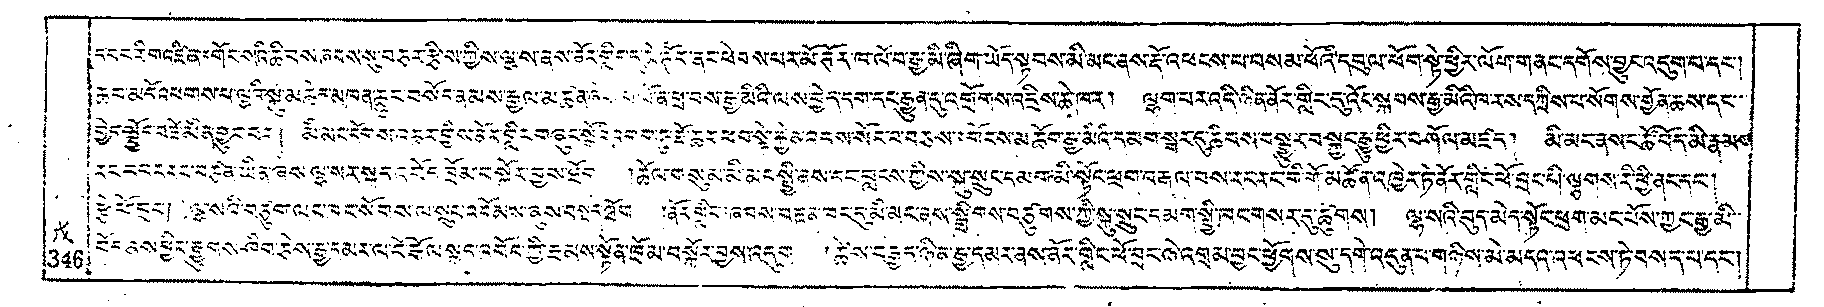དབང་རིག་འཛིན་༧གོང་སའི་ཆིབས་ཞབས་སུ་བཅར་རྩིས་ཀྱིས་ལྷ་ས་ནས་ནོར་གླིང་དུ་མེ་ཊོར་ནང་ཕེབས་པར་མོ་ཊོར་ཁ་ལོ་བ་རྒྱ་མི་ཞིག་ཡོད་སྟབས་མི་མང་ནས་རྡོ་འཕངས་པ་བསམ་ཕོའི་དབུ་ལ་ཕོག་སྟེ་ཕྱིར་ལོག་གནང་དགོས་བྱུང་འདུག་པ་དང་།
ཆབ་མདོ་འཕགས་པ་ལྷའི་སྐུ་མཆེད་མཁན་ཆུང་བསོད་ནམས་རྒྱལ་མཚན་ཞེས་པ་ལོ་ན་ཕྲ་བས་རྒྱ་མིའི་ལས་བྱེད་དག་དང་རྒྱུན་དུ་འགྲོགས་འདྲིས་ཆེ་ཁར། ལྷག་པར་འདི་ཉིན་ནོར་གླིང་དུ་འོང་སྐབས་རྒྱ་མིའི་ཁ་རས་དཀྲིས་པ་སོགས་གྱོན་ཆས་དང་
བྱེད་སྦྱོང་བཟོ་མིན་བྱུང་བར། མི་མང་དོགས་འཆར་གྱིས་ནོར་གླིང་གཞུང་སྒོའི་འགག་ཏུ་རྡོ་ཆར་ཕབ་སྟེ་རྐྱེན་འདས་སོང་བ་བཅས་༧གོང་ས་མཆོག་རྒྱ་མིའི་དམག་སྒར་དུ་ཆིབས་བསྒྱུར་བསྐྱང་རྒྱུ་ཕྱིར་བཤོལ་མཛད། མི་མང་ནས་ང་ཚོ་བོད་མི་རྣམས་
རང་དབང་རང་བཙན་ཡིན་ཞེས་ལྷ་སར་སྐད་འབོད་ཁྲོམ་བསྐོར་བྱས་ཐོག །ཆོལ་གསུམ་མི་མང་སྤྱི་ནས་དང་བླངས་ཀྱིས་སྐུ་སྲུང་དམག་མི་སྟོང་ཕྲག་བརྒལ་བས་རང་རང་གི་གོ་མཚོན་འཁྱེར་ཏེ་ནོར་གླིང་ཕོ་བྲང་གི་ལྕགས་རི་ཕྱི་ནང་དང་།
རྩེ་ཕོ་བྲང་། ལྷ་སའི་གཙུག་ལག་ཁང་སོགས་ལ་སྲུང་འདོམས་ཞུས་བསྡད་ཐོག །ནོར་གླིང་༧ཞབས་བརྟན་ཁང་དུ་མི་མང་ནས་སྒྲིགས་བཙུགས་ཀྱི་སྐུ་སྲུང་དམག་སྤྱི་ཁང་གསར་དུ་ཚུགས། ལྷ་སའི་བུད་མེད་སྟོང་ཕྲག་མང་པོས་ཀྱང་རྒྱ་མི་
བོད་ནས་ཕྱིར་རྒྱུགས་ཤིག་ཅེས་རྒྱ་དམར་ལ་ངོ་རྒོལ་སྐད་འབོད་ཀྱི་རྔམས་སྟོན་ཁྲོམ་བསྐོར་བྱས་འདུག །ཚེས་བརྒྱད་ཉིན་རྒྱ་དམར་ནས་ནོར་གླིང་ཕོ་བྲང་ཉེ་འགྲམ་བྱང་ཕྱོགས་སུ་དགེ་འདུན་པ་གཉིས་མེ་མདའ་འཕངས་ཏེ་བསད་པ་དང་།